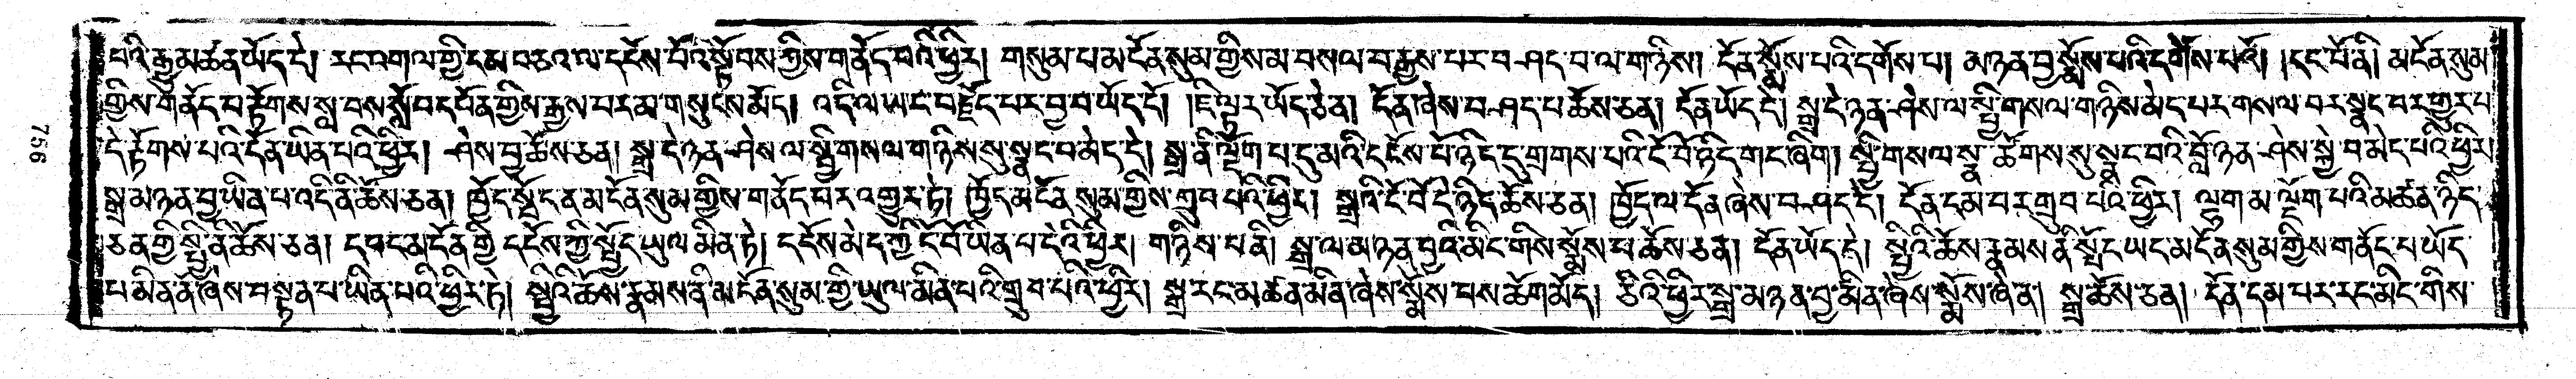པའི་རྒྱུ་མཚན་ཡོད་དེ། རང་འགལ་གྱི་དམ་བཅའ་ལ་དངོས་པོའི་སྟོབས་ཀྱིས་གནོད་བའི་ཕྱིར། གསུམ་པ་མངོན་སུམ་གྱིས་མ་བསལ་བ་རྒྱས་པར་བཤད་བ་ལ་གཉིས། དོན་སྨོས་པའི་དགོས་པ། མཉན་བྱ་སྨོས་པའི་དགོས་པའོ། །དང་པོ་ནི། མངོན་སུམ་
གྱིས་གནོད་བ་རྟོགས་སླ་བས་སློབ་དཔོན་གྱིས་རྒྱས་པར་མ་གསུངས་མོད། འདི་ལ་ཡང་བརྗོད་པར་བྱ་བ་ཡོད་དོ། །ཇི་ལྟར་ཡོད་ཅེ་ན། དོན་ཞེས་བཤད་པ་ཆོས་ཅན། དོན་ཡོད་དེ། སྒྲ་དེ་ཉན་ཤེས་ལ་སྤྱི་གསལ་གཉིས་མེད་པར་གསལ་བར་སྣང་བར་གྱུར་པ་
དེ་རྟོགས་པའི་དོན་ཡིན་པའི་ཕྱིར། ཤེས་བྱ་ཆོས་ཅན། སྒྲ་དེ་ཉན་ཤེས་ལ་སྤྱི་གསལ་གཉིས་སུ་སྣང་བ་མེད་དེ། སྒྲ་ནི་ལྡོག་པ་དུ་མའི་དངོས་པོ་ཉིད་དུ་གྲགས་པའི་ངོ་བོ་ཉིད་གང་ཞིག། སྤྱི་གསལ་སྣ་ཚོགས་སུ་སྣང་བའི་བློ་ཉན་ཤེས་སྐྱེ་བ་མེད་པའི་ཕྱིར།
སྒྲ་མཉན་བྱ་ཡིན་པ་འདི་ནི་ཆོས་ཅན། ཁྱོད་སྤོ་ང་ན་མངོན་སུམ་གྱིས་གནོད་པར་འགྱུར་ཏེ། ཁྱོད་མངོན་སུམ་གྱིས་གྲུབ་པའི་ཕྱིར། སྒྲའི་ངོ་བོ་དེ་ཉིད་ཆོས་ཅན། ཁྱོད་ལ་དོན་ཞེས་བཤད་དེ། དོན་དམ་པར་གྲུབ་པའི་ཕྱིར། ལྷག་མ་ལྡོག་པའི་མཚན་ཉིད་
ཅན་གྱི་སྤྱི་ནི་ཆོས་ཅན། དབང་མངོན་གྱི་དངོས་ཀྱི་སྤྱོད་ཡུལ་མིན་ཏེ། དངོས་མེད་ཀྱི་ངོ་བོ་ཡིན་པ་དེའི་ཕྱིར། གཉིས་པ་ནི། སྒྲ་ལ་མཉན་བྱའི་མིང་གིས་སྨོས་པ་ཆོས་ཅན། དོན་ཡོད་དེ། སྤྱིའི་ཆོས་རྣམས་ནི་སྤོང་ཡང་མངོན་སུམ་གྱིས་གནོད་པ་ཡོད་
པ་མིན་ནོ་ཞེས་བསྟན་པ་ཡིན་པའི་ཕྱིར་ཏེ། སྦྱིའི་ཆོས་རྣམས་ནི་མངོན་སུམ་གྱི་ཡུལ་མིན་པའི་གྲུབ་པའི་ཕྱིར། སྒྲ་རང་མཚན་མིན་ཞེས་སྨོས་པས་ཆོག་མོད། ཅིའི་ཕྱིར་སྒྲ་མཉན་བྱ་མིན་ཞེས་སྨོས་ཞེ་ན། སྒྲ་ཆོས་ཅན། དོན་དམ་པར་རང་མིང་གིས་